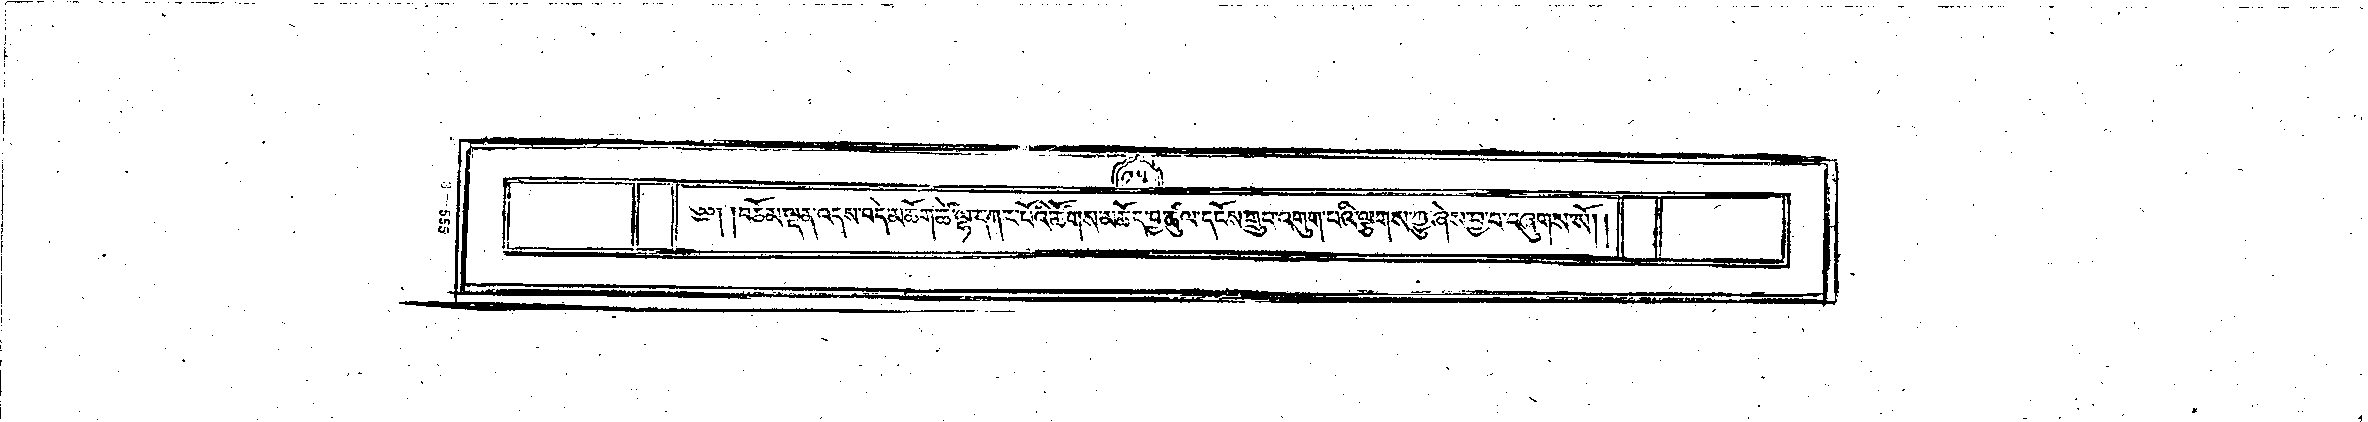༄༅། །བཅོམ་ལྡན་འདས་བདེ་མཆོག་ཚེ་ལྷ་དཀར་པོའི་ཚོགས་མཆོད་བྱ་ཚུལ་དངོས་གྲུབ་འགུག་པའི་ལྕགས་ཀྱུ་ཞེས་བྱ་བ་བཞུགས་སོ། །